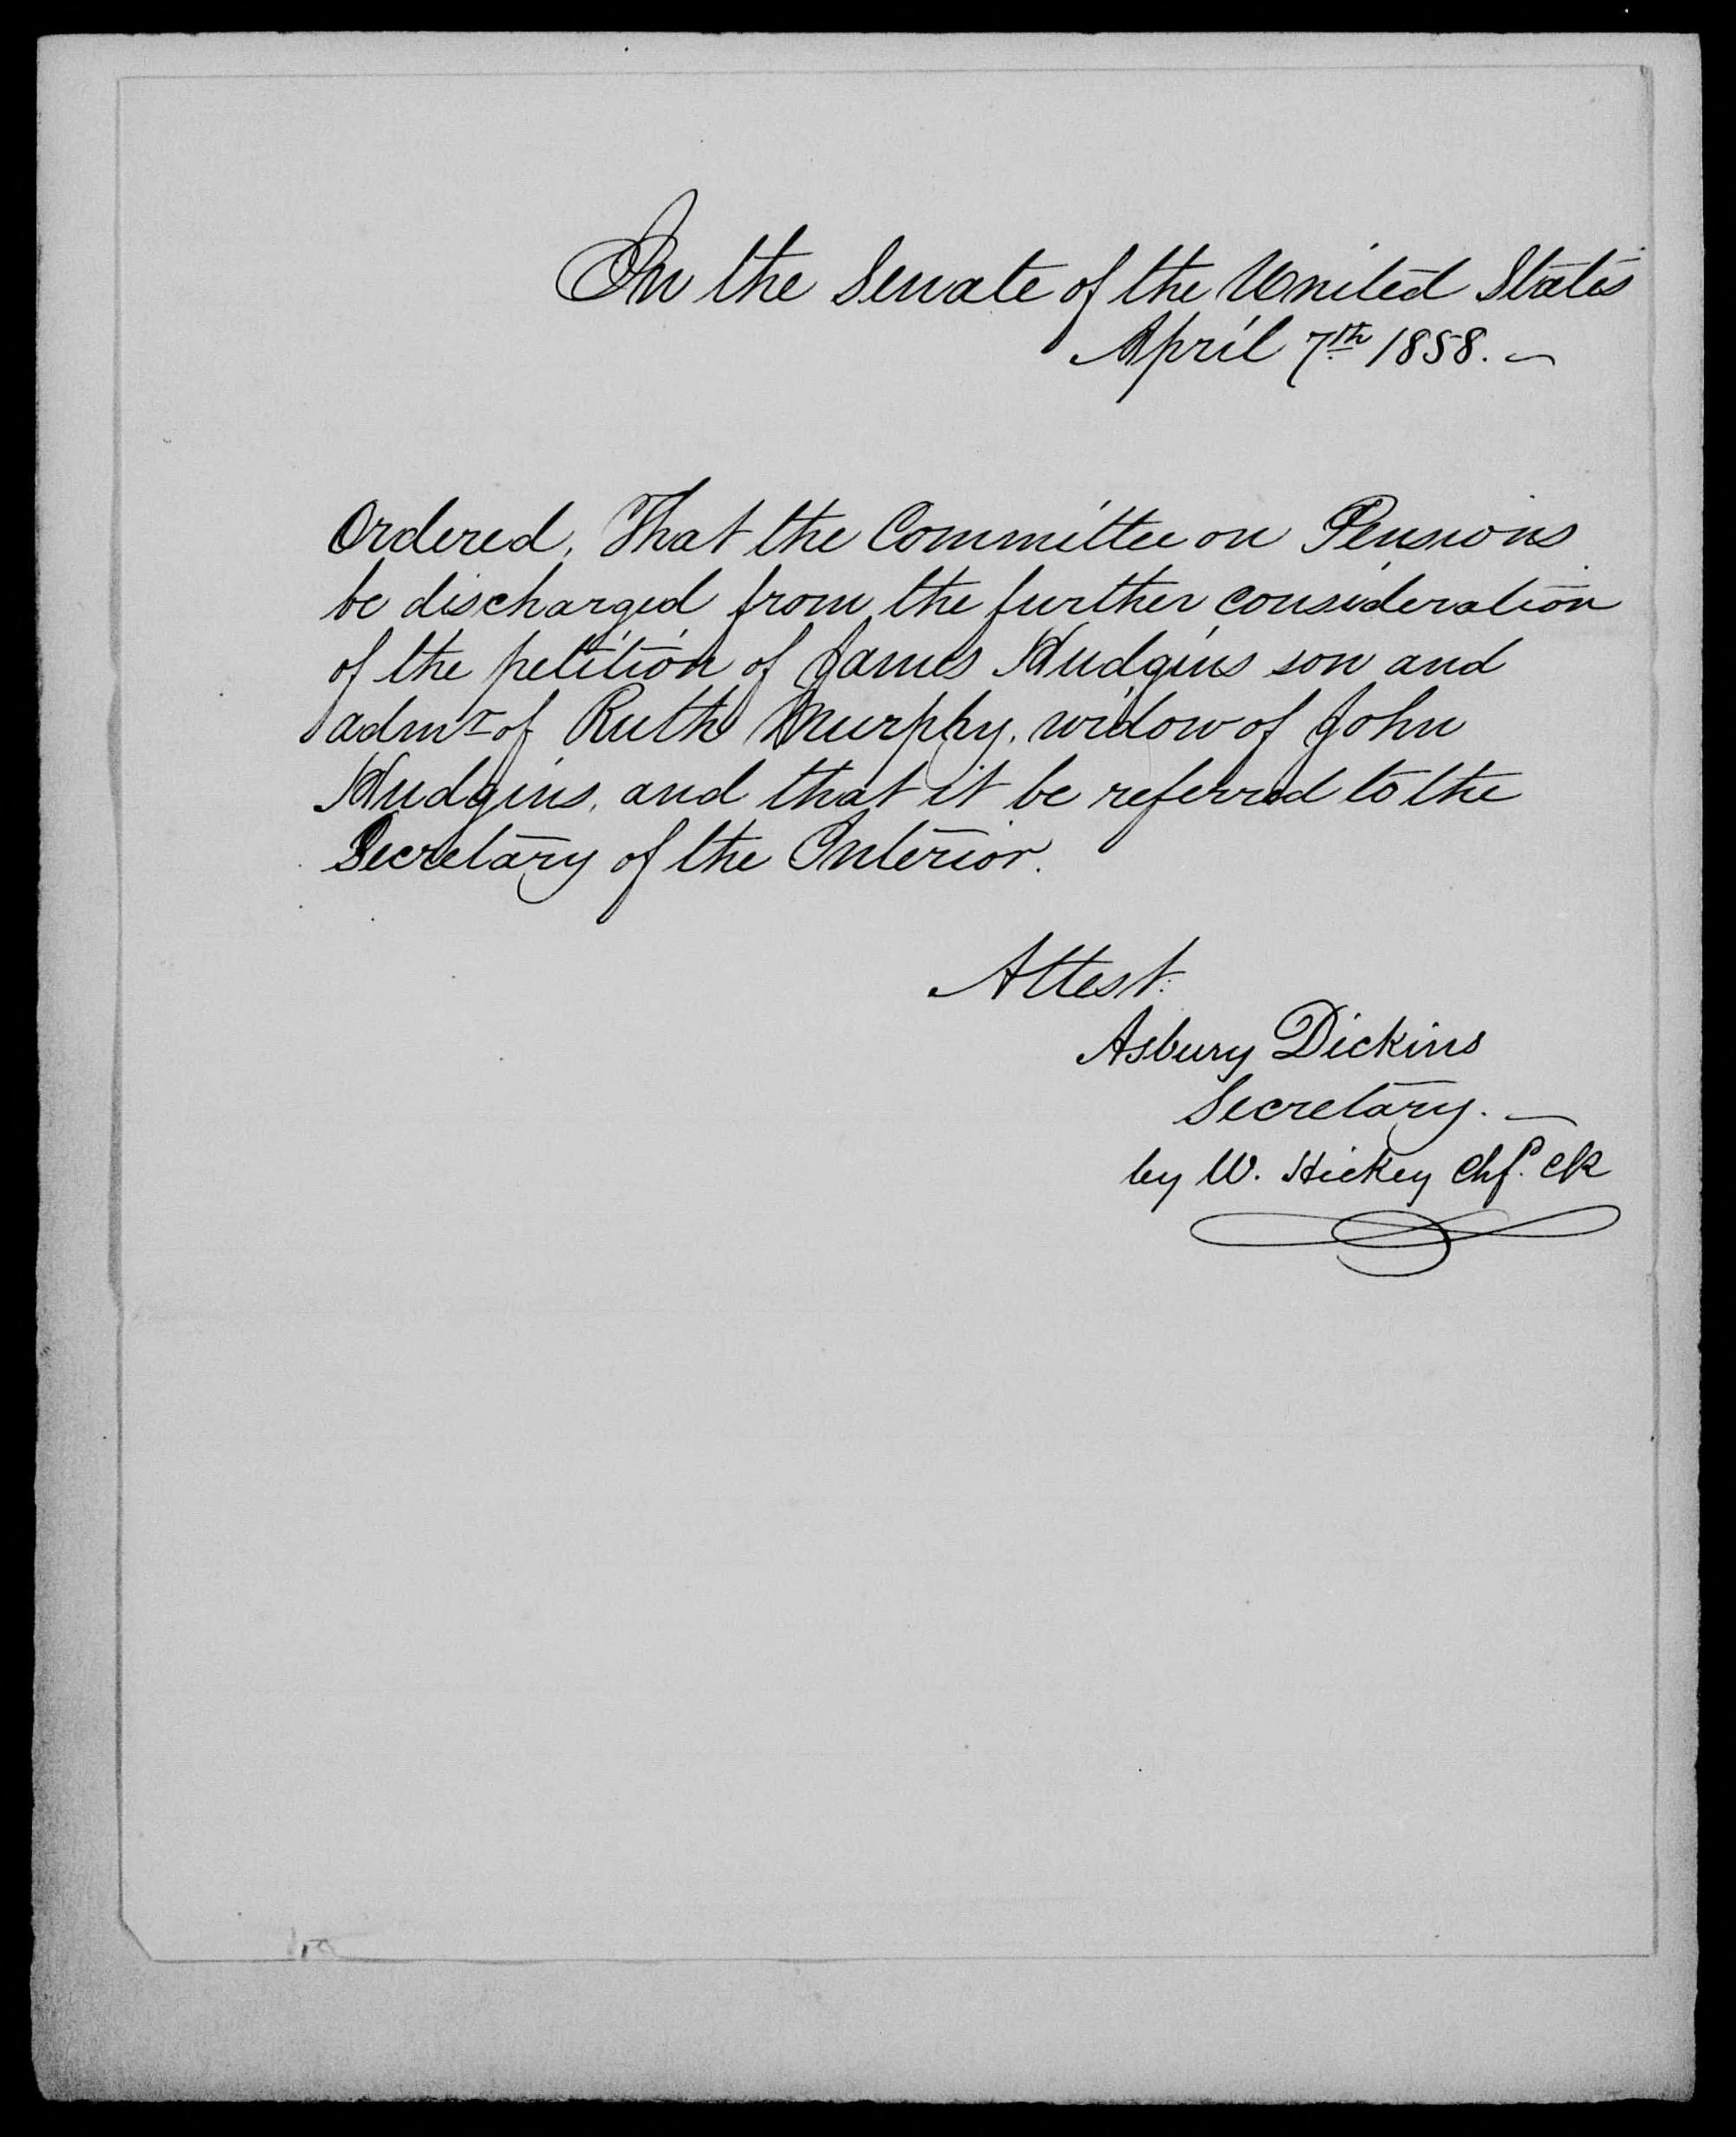In the Senate of the United States
April 7th 1858 

Ordered that the Committee on Pensions be discharged from the further consideration of the petition of James Hudgins son and admr. of Ruth Murphy, widow of John Hudgins, and that it be referred to the Secretary of the Interior.

Attest:
Asbury Dickins
Secretary
by W. Hickey Chf. Clk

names: John Hudgins, Ruth Murphy, W Hickey, Asbury Dickins, James Hudgins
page: 37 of 108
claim: rejected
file: R. 7,515, John Hudgins, N.C.